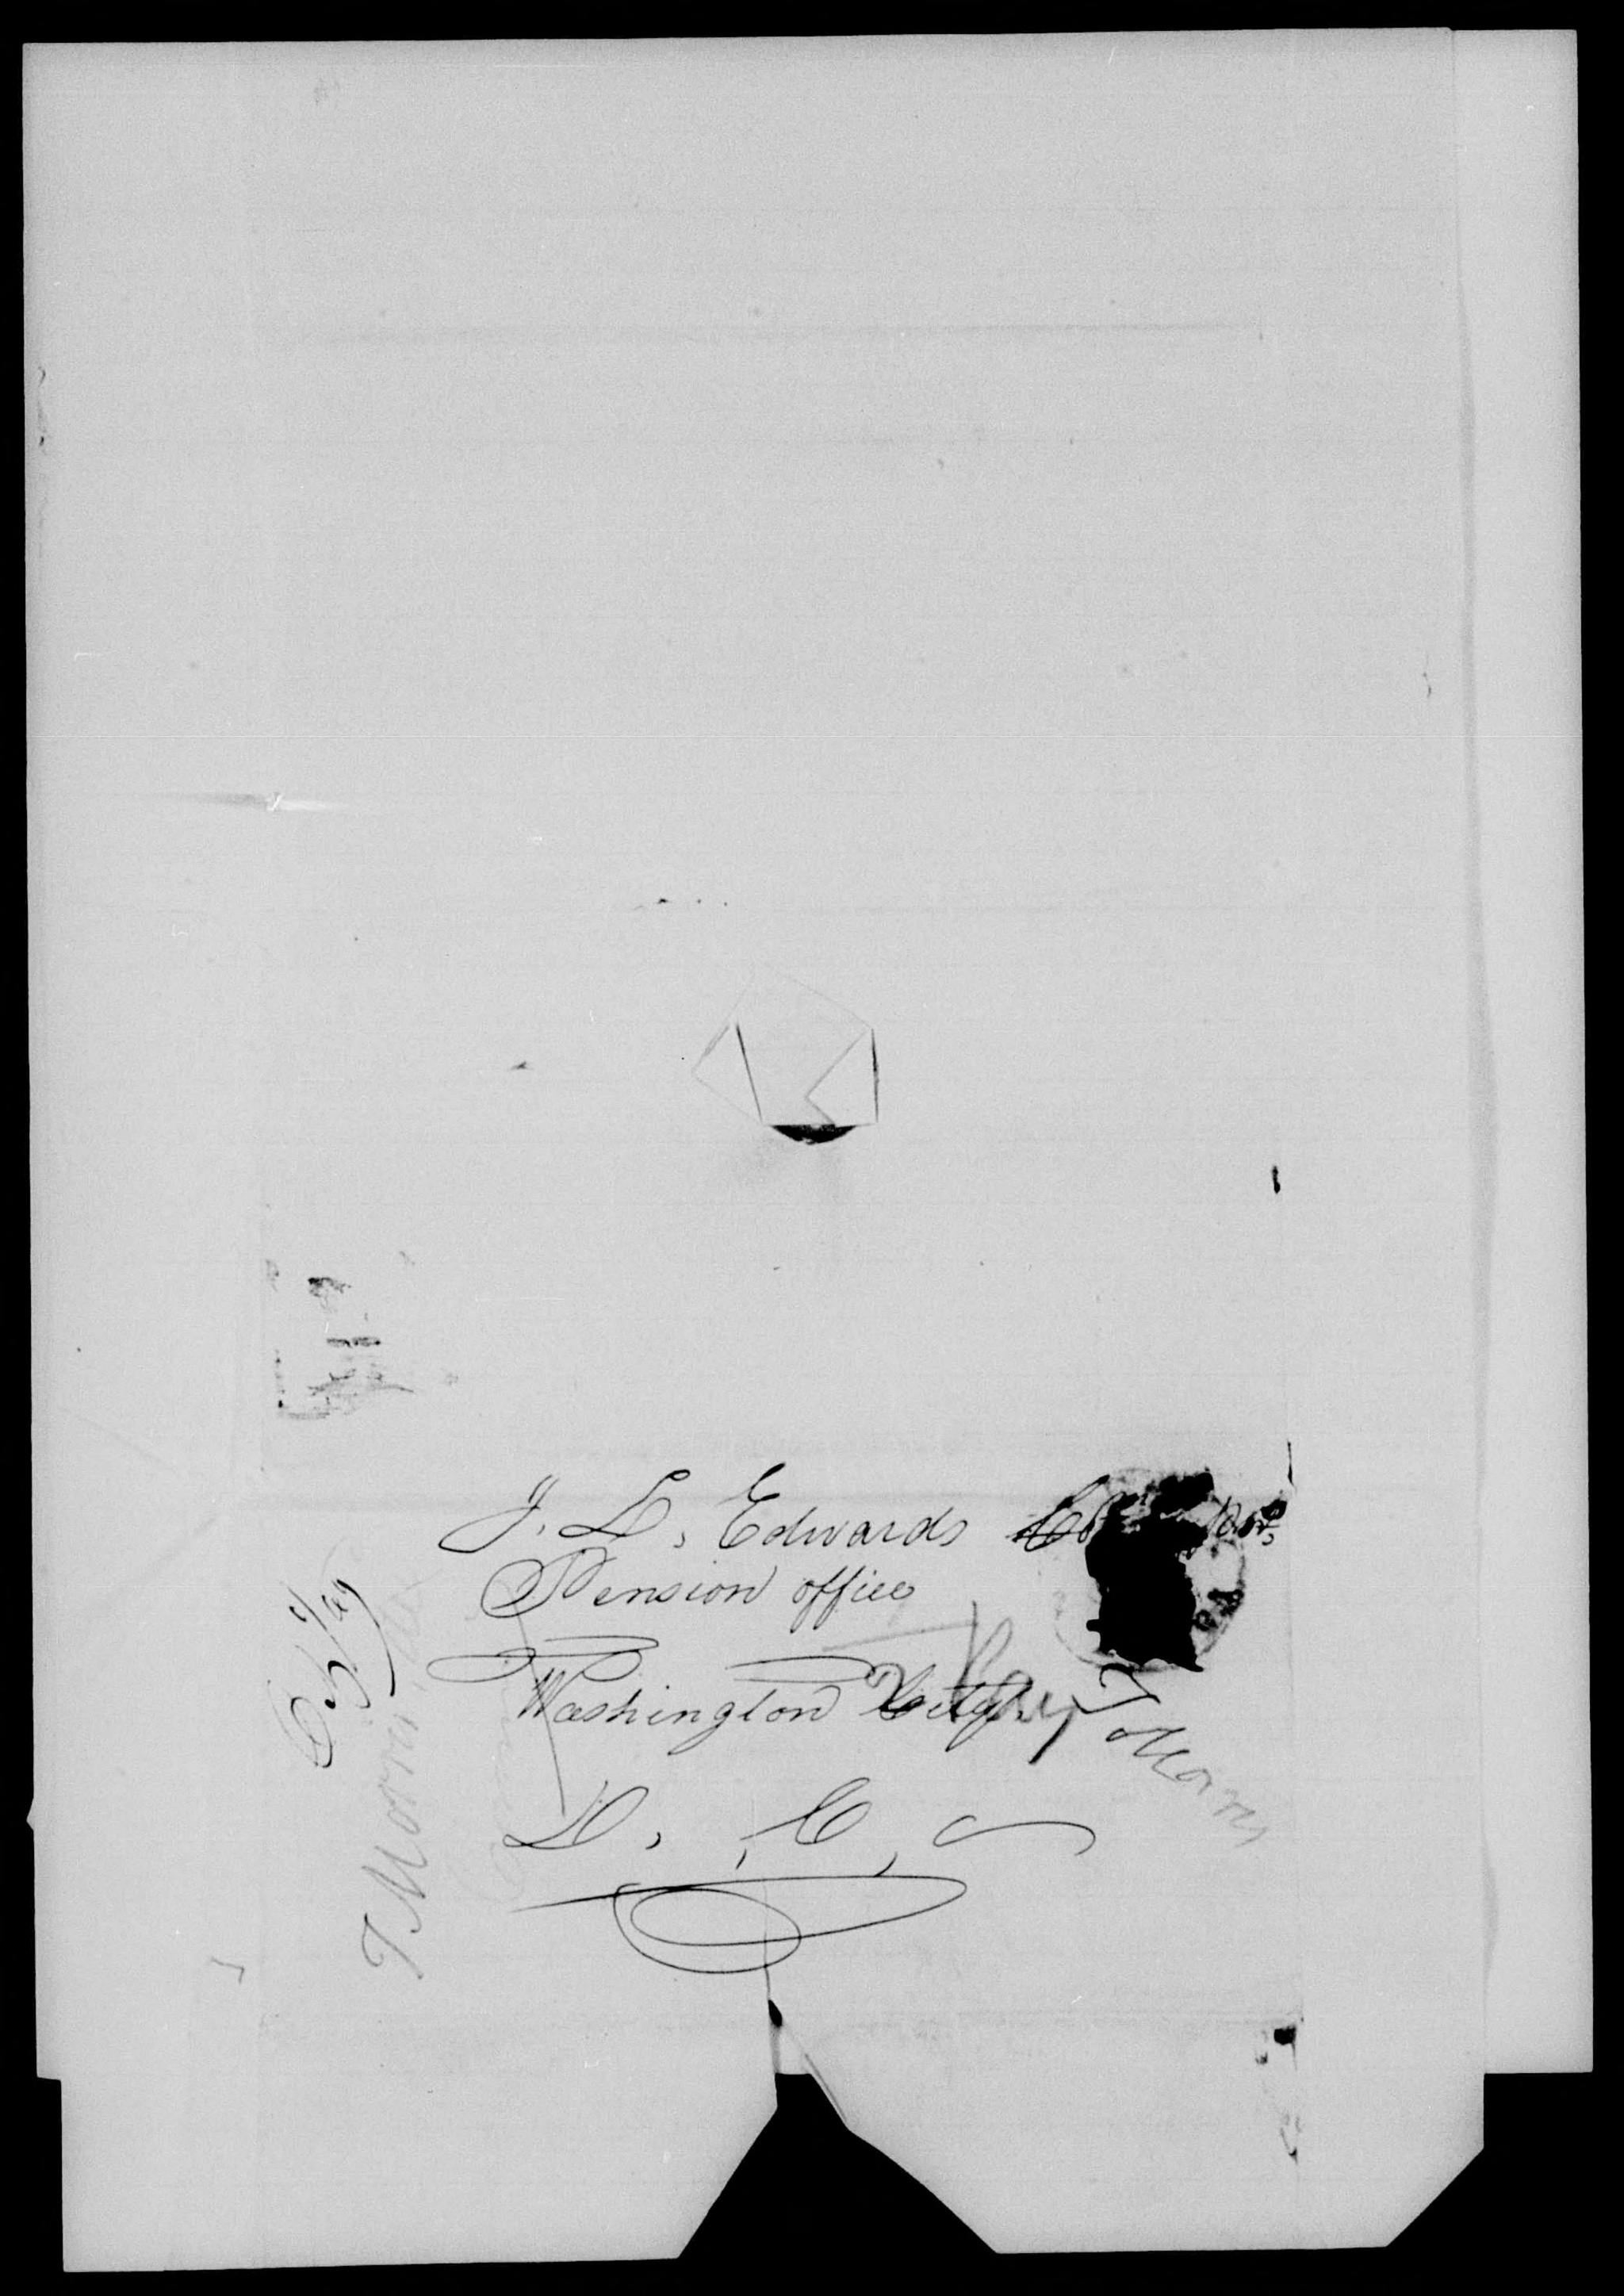J. L. Edwards Pension office Washington City D. C.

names: J L Edwards; T Morris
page: 22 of 30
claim: rejected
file: R. 16,555, for Thomas Morris, Georgia